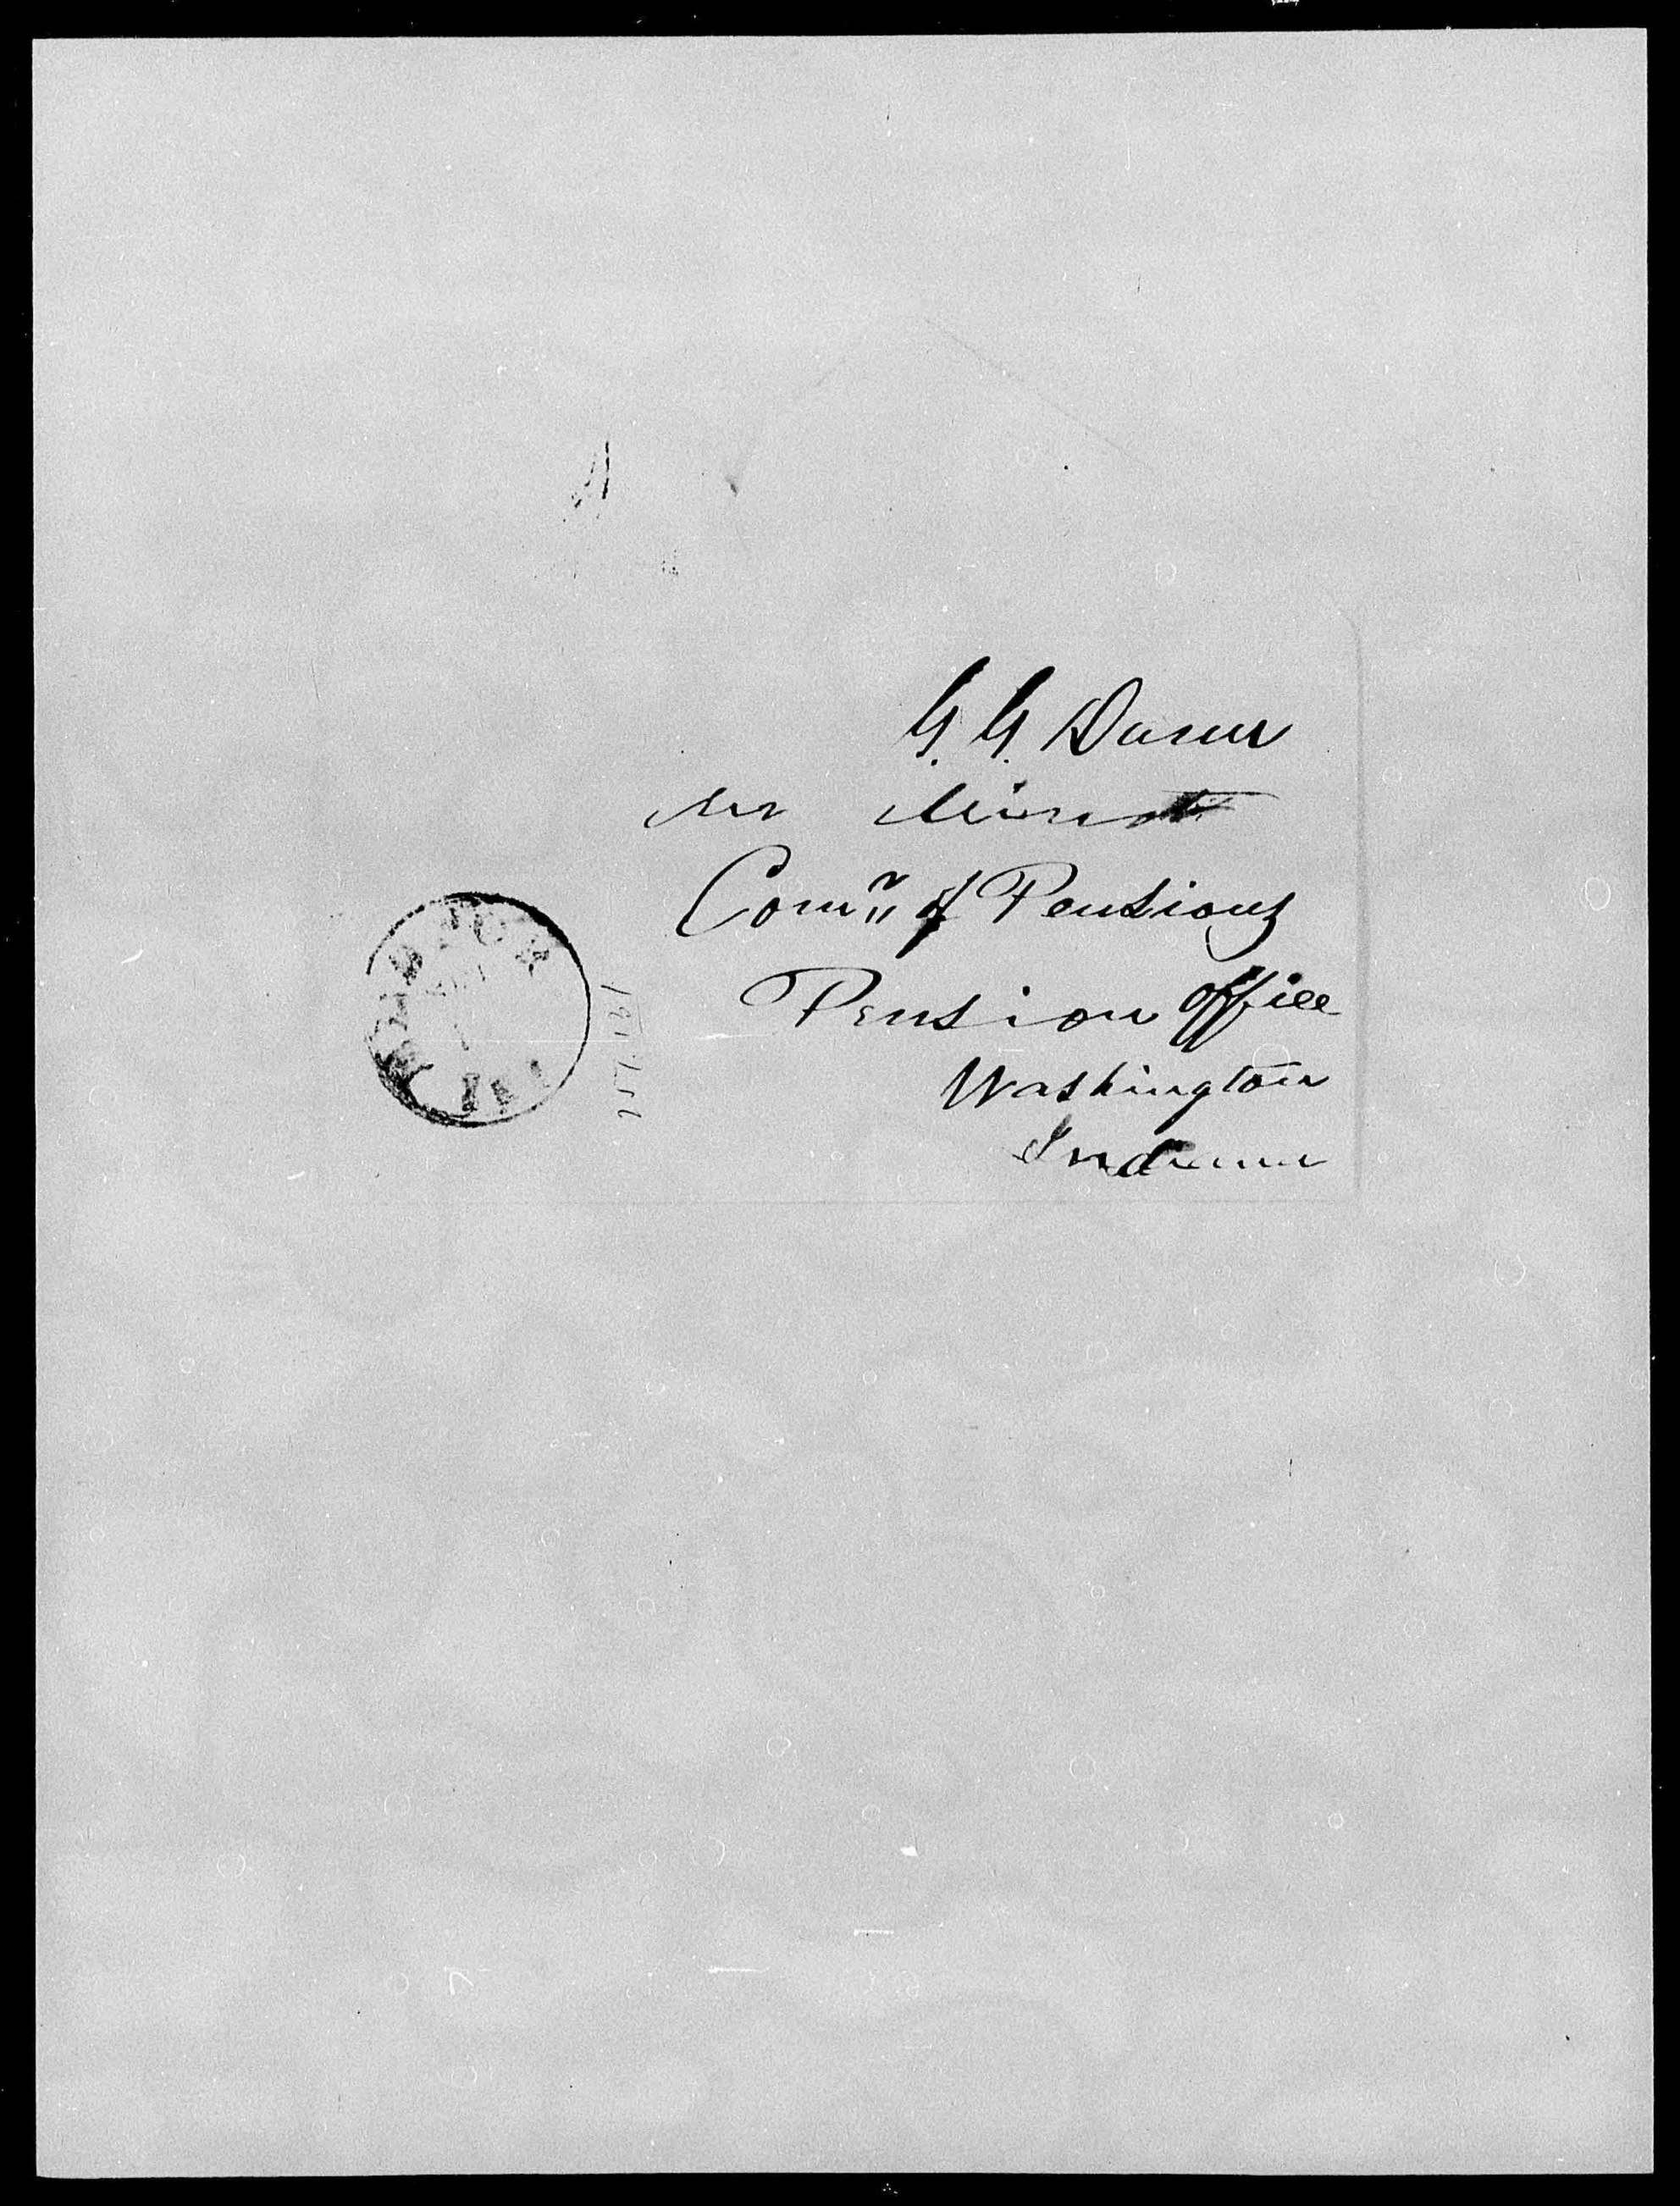G. G. Dunn
[illegible]
Comr. of Pensions
Pension Office
Washington
Indiana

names: G G Dunn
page: 63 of 115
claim: survivor's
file: S. 699, for Charles Kilgore, Virginia